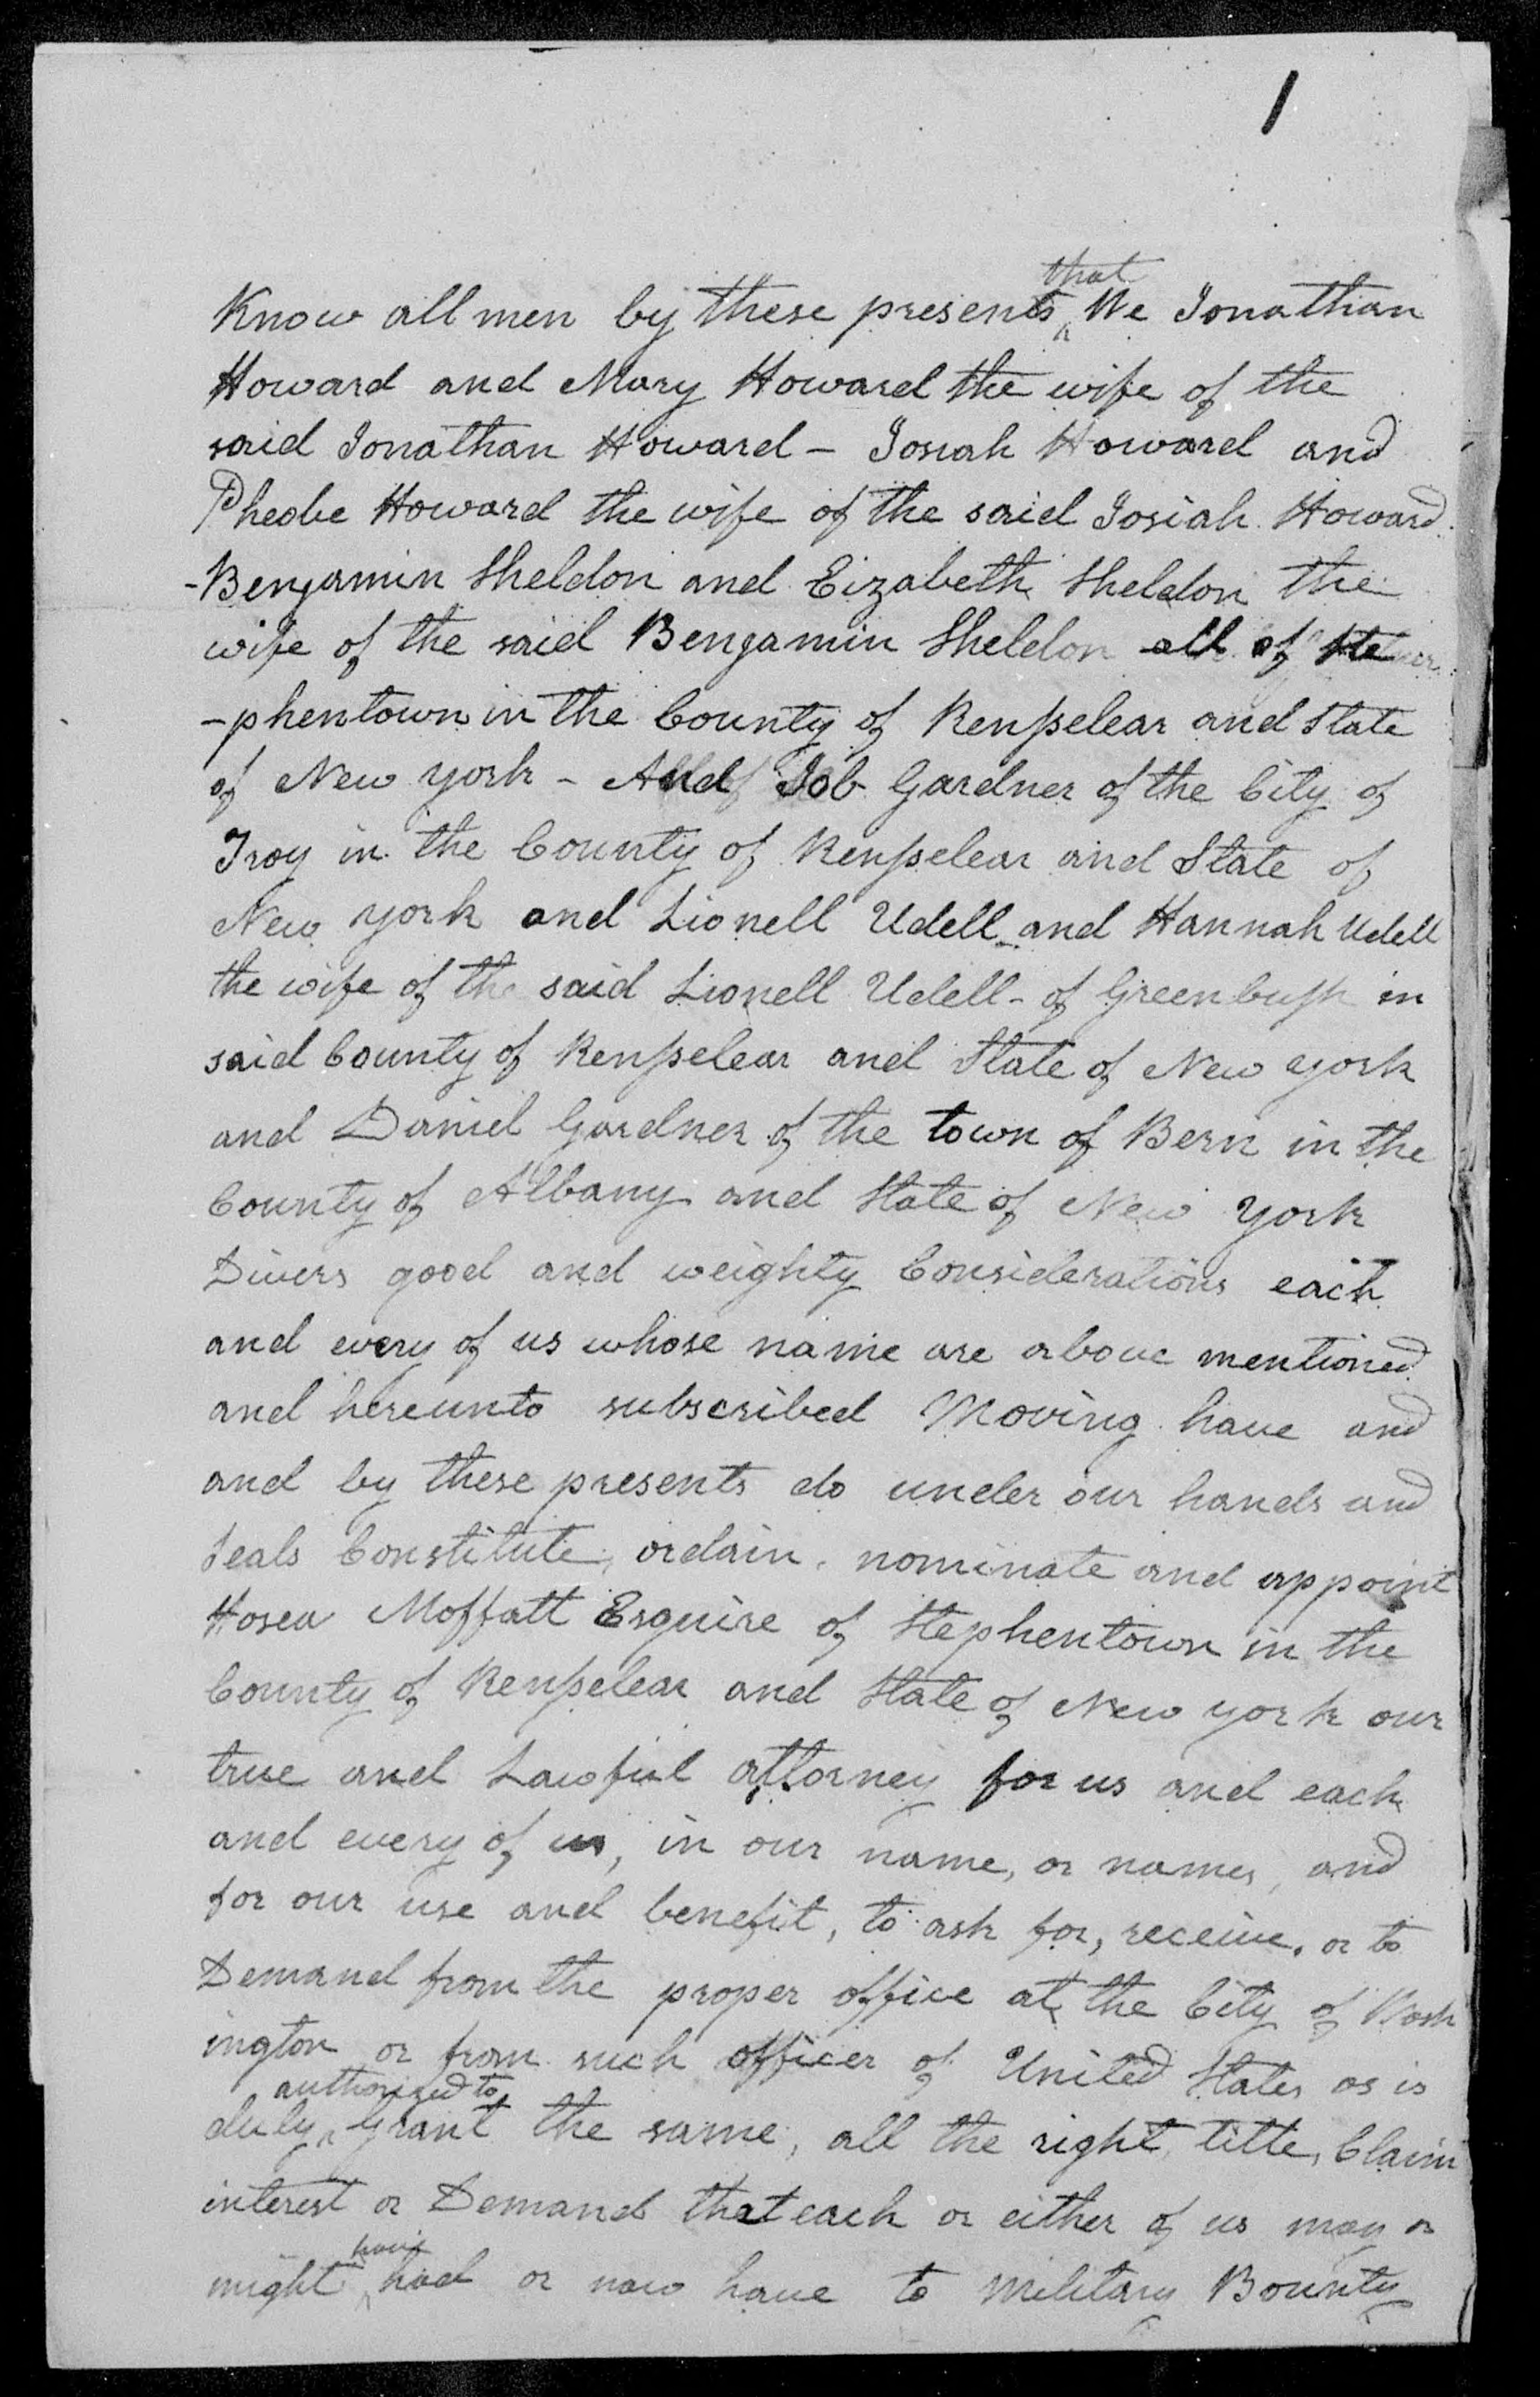Know all men by these presents that we Jonathan Howard and Mary Howard, the wife of the said Jonathan Howard, Josiah Howard and Phoebe Howard, the wife of the said Josiah Howard, Benjamin Sheldon and Elizabeth Sheldon, the wife of the said Benjamin Sheldon, all of Stephentown in the County of Rensselaer and the state of New York. And Job Gardner of the City of Troy in the County of Rensselaer and State of New York and Lionell Udell and Hannah Udell the wife of the said Lionel Udell of Greenburgh in said County of Rensselaer and State of New York and Daniel Gardner of the town of Bern in the county of Albany and the state of New York, Divers good and weighty considerations each and every of us whose name are above mentioned and hereunto subscribed moving have and by these presents do under our hands and seals constitute, ordain, nominate and appoint Hosea Moffatt Esquire of Stephentown in the county of Rensselaer and the state of New York our true and Lawful attorney for us and each and every of us, in our name, or names, and for our use and benefit, to ask for, receive, or to demand from the proper office at the City of Washington or from such officer of the United States as is duly authorized to grant the same, all the right title, claim, interest or demand that each or either of us may or might have had or now have to Military Bounty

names: Pheobe Howard, Hosea Moffatt, Jonathan Howard, Daniel Gardner, Josiah Howard, Josiah Howard, Eizabeth Sheldon, Lionell Udell, Benjamin Sheldon, Hannah Udell, Mary Howard, Benjamin Sheldon, Jonathan Howard, Job Gardner, Lionell Udell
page: 3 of 18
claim: bounty land warrant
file: B. L. Wt. 668-200, James Gardner, Continental Artillery Parents Of N.Y.